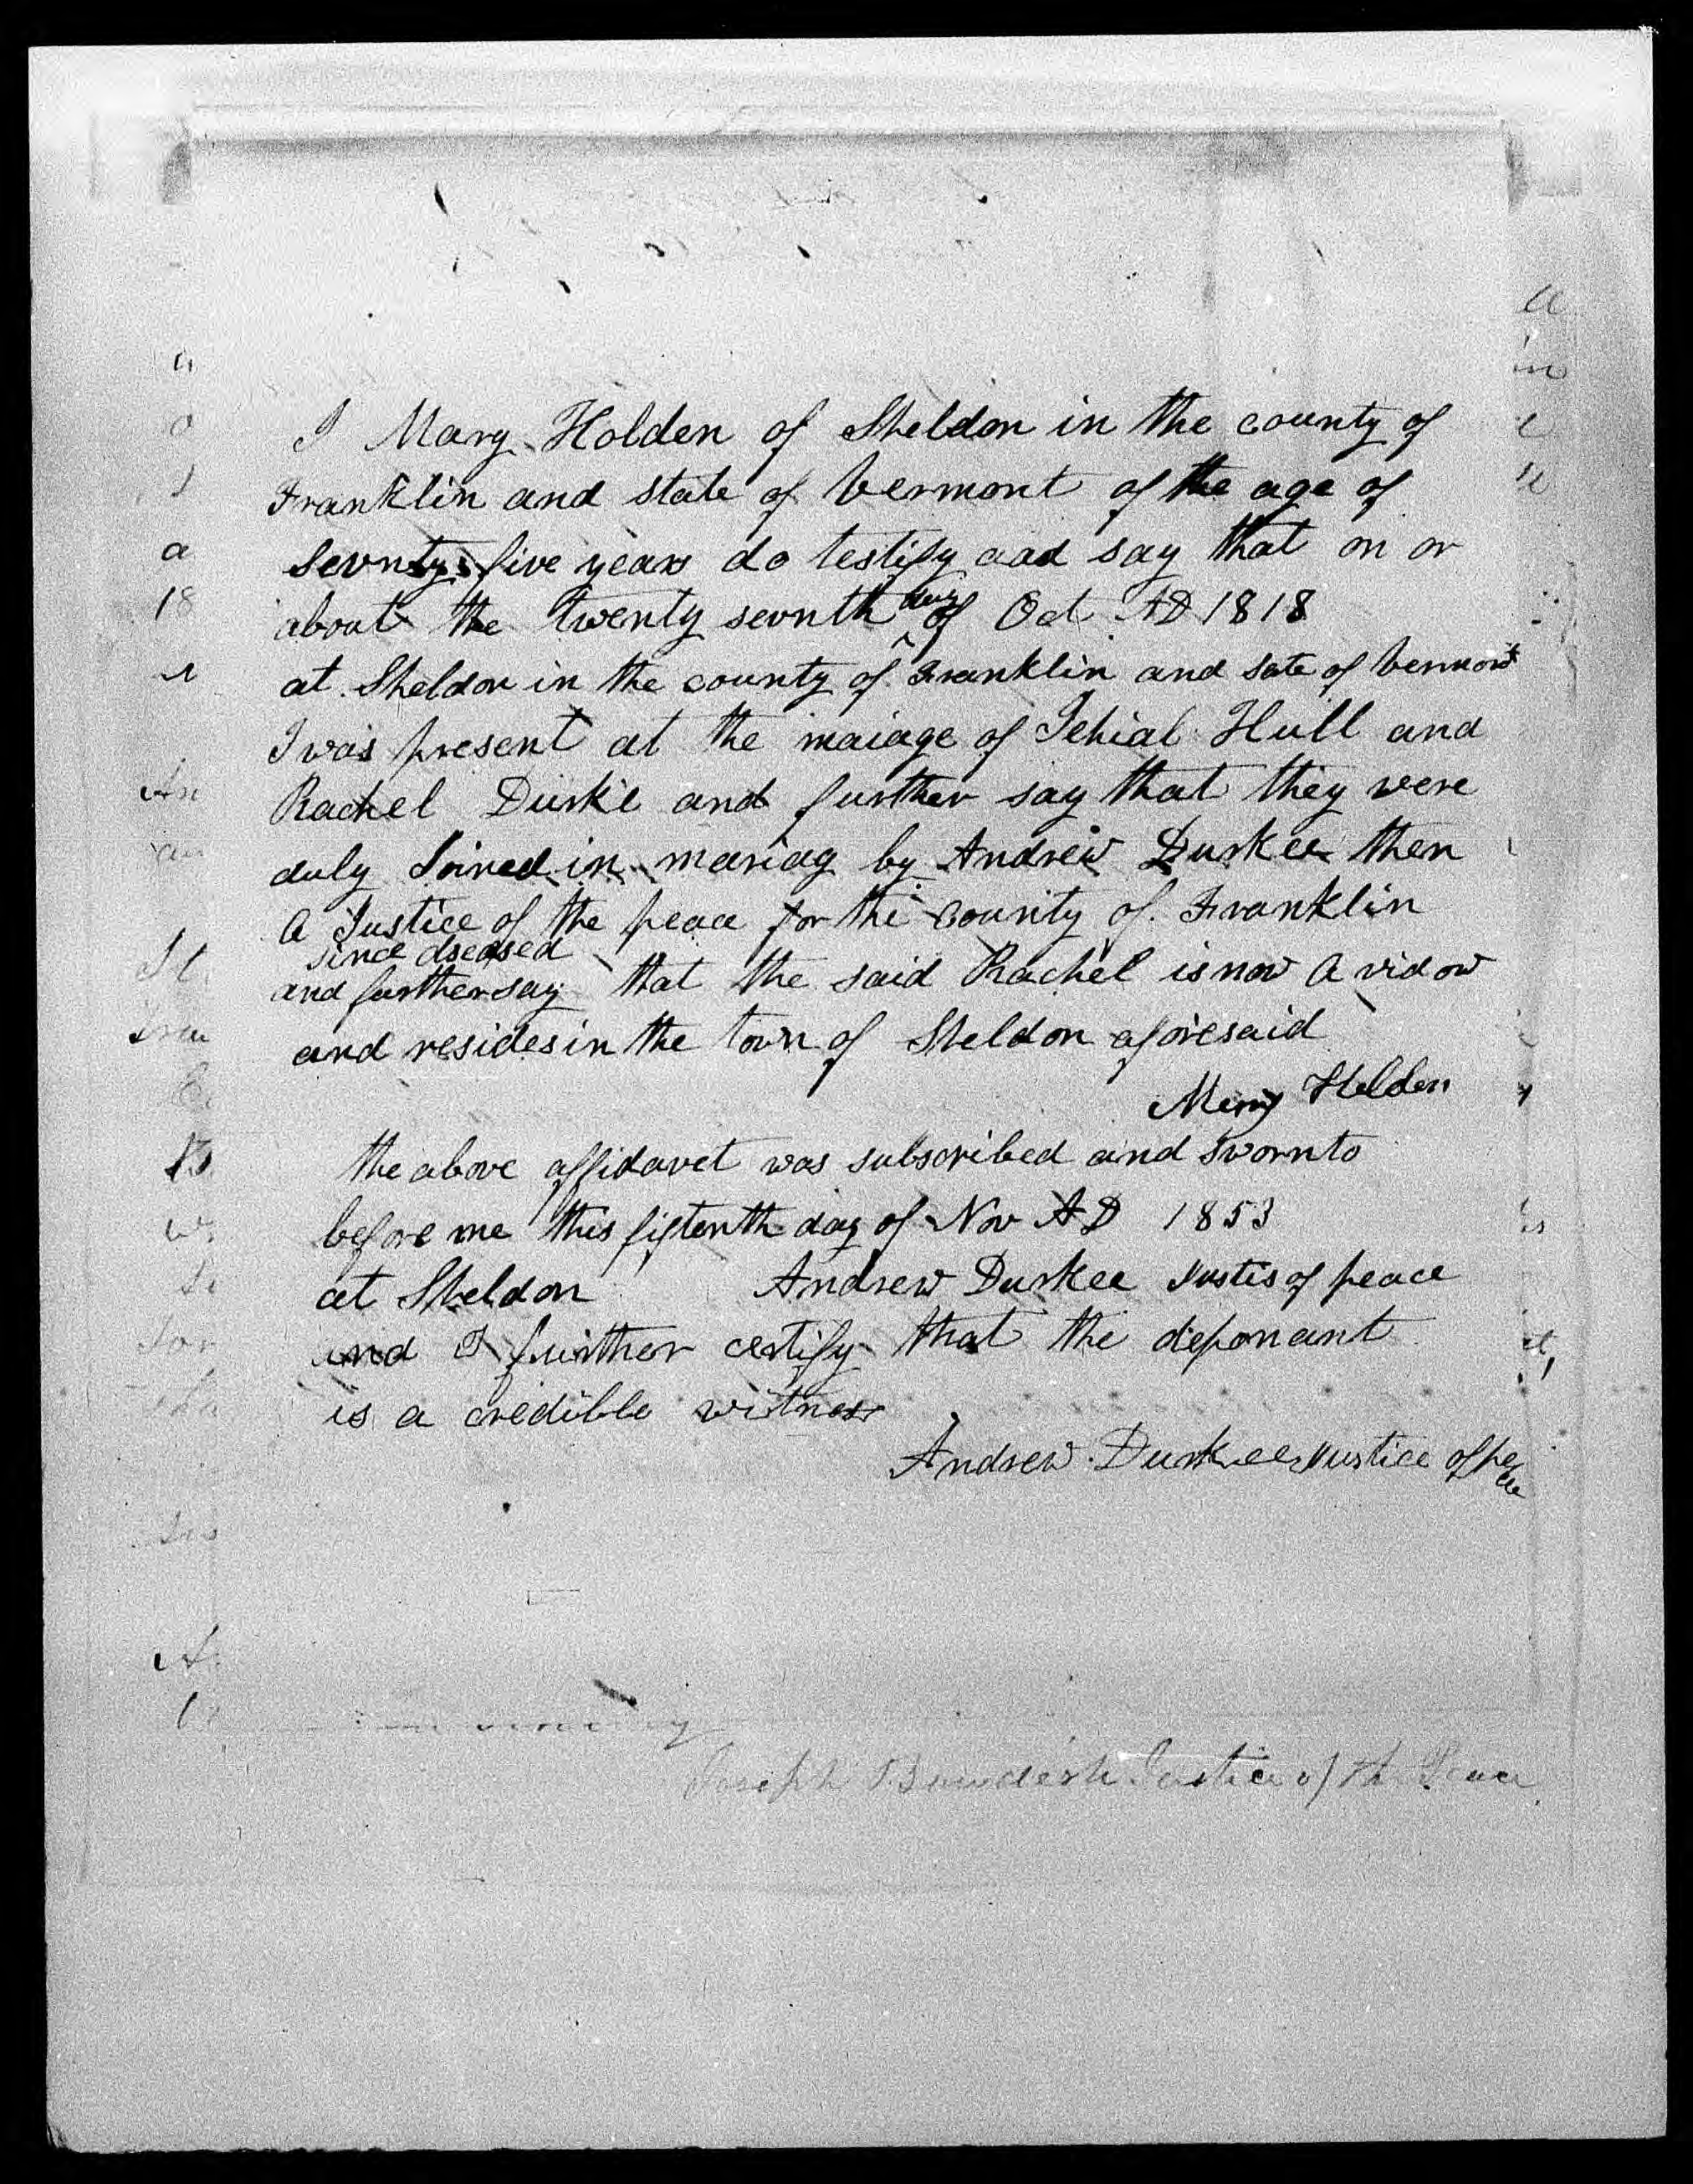I Mary Holden of Sheldon in the County of Franklin and State of Vermont and of the age of seventy five years do testify and say that on or about the twenty seventh day of Oct AD 1818 at Sheldon in the County of Franklin and State of Vermont I was present at the marriage of Jehiel Hull and Rachel Durkee and farther say that they were duly joined mariag by Andrew Durkee then a Justice of the Peace for the county of Franklin and since deceased and further say that the esaid Rachel is now a widow and resides in the town of Sheldon aforesaid

Mary Holden

The above deposition was subscribed and sworn to before me this fifteenth day of Nov AD 1853 at Sheldon 
Andrew Durkee Justice of Peace
and I further certify that the deponent is a credible witness. 

Andrew Dunkee, Justice of Peace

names: Andrew Durkee, Rachel Durke, Jehial Hull, Mary Holden, Joseph Bowdish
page: 16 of 58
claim: widow's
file: W. 25813, Jehiel Hull, Conn.